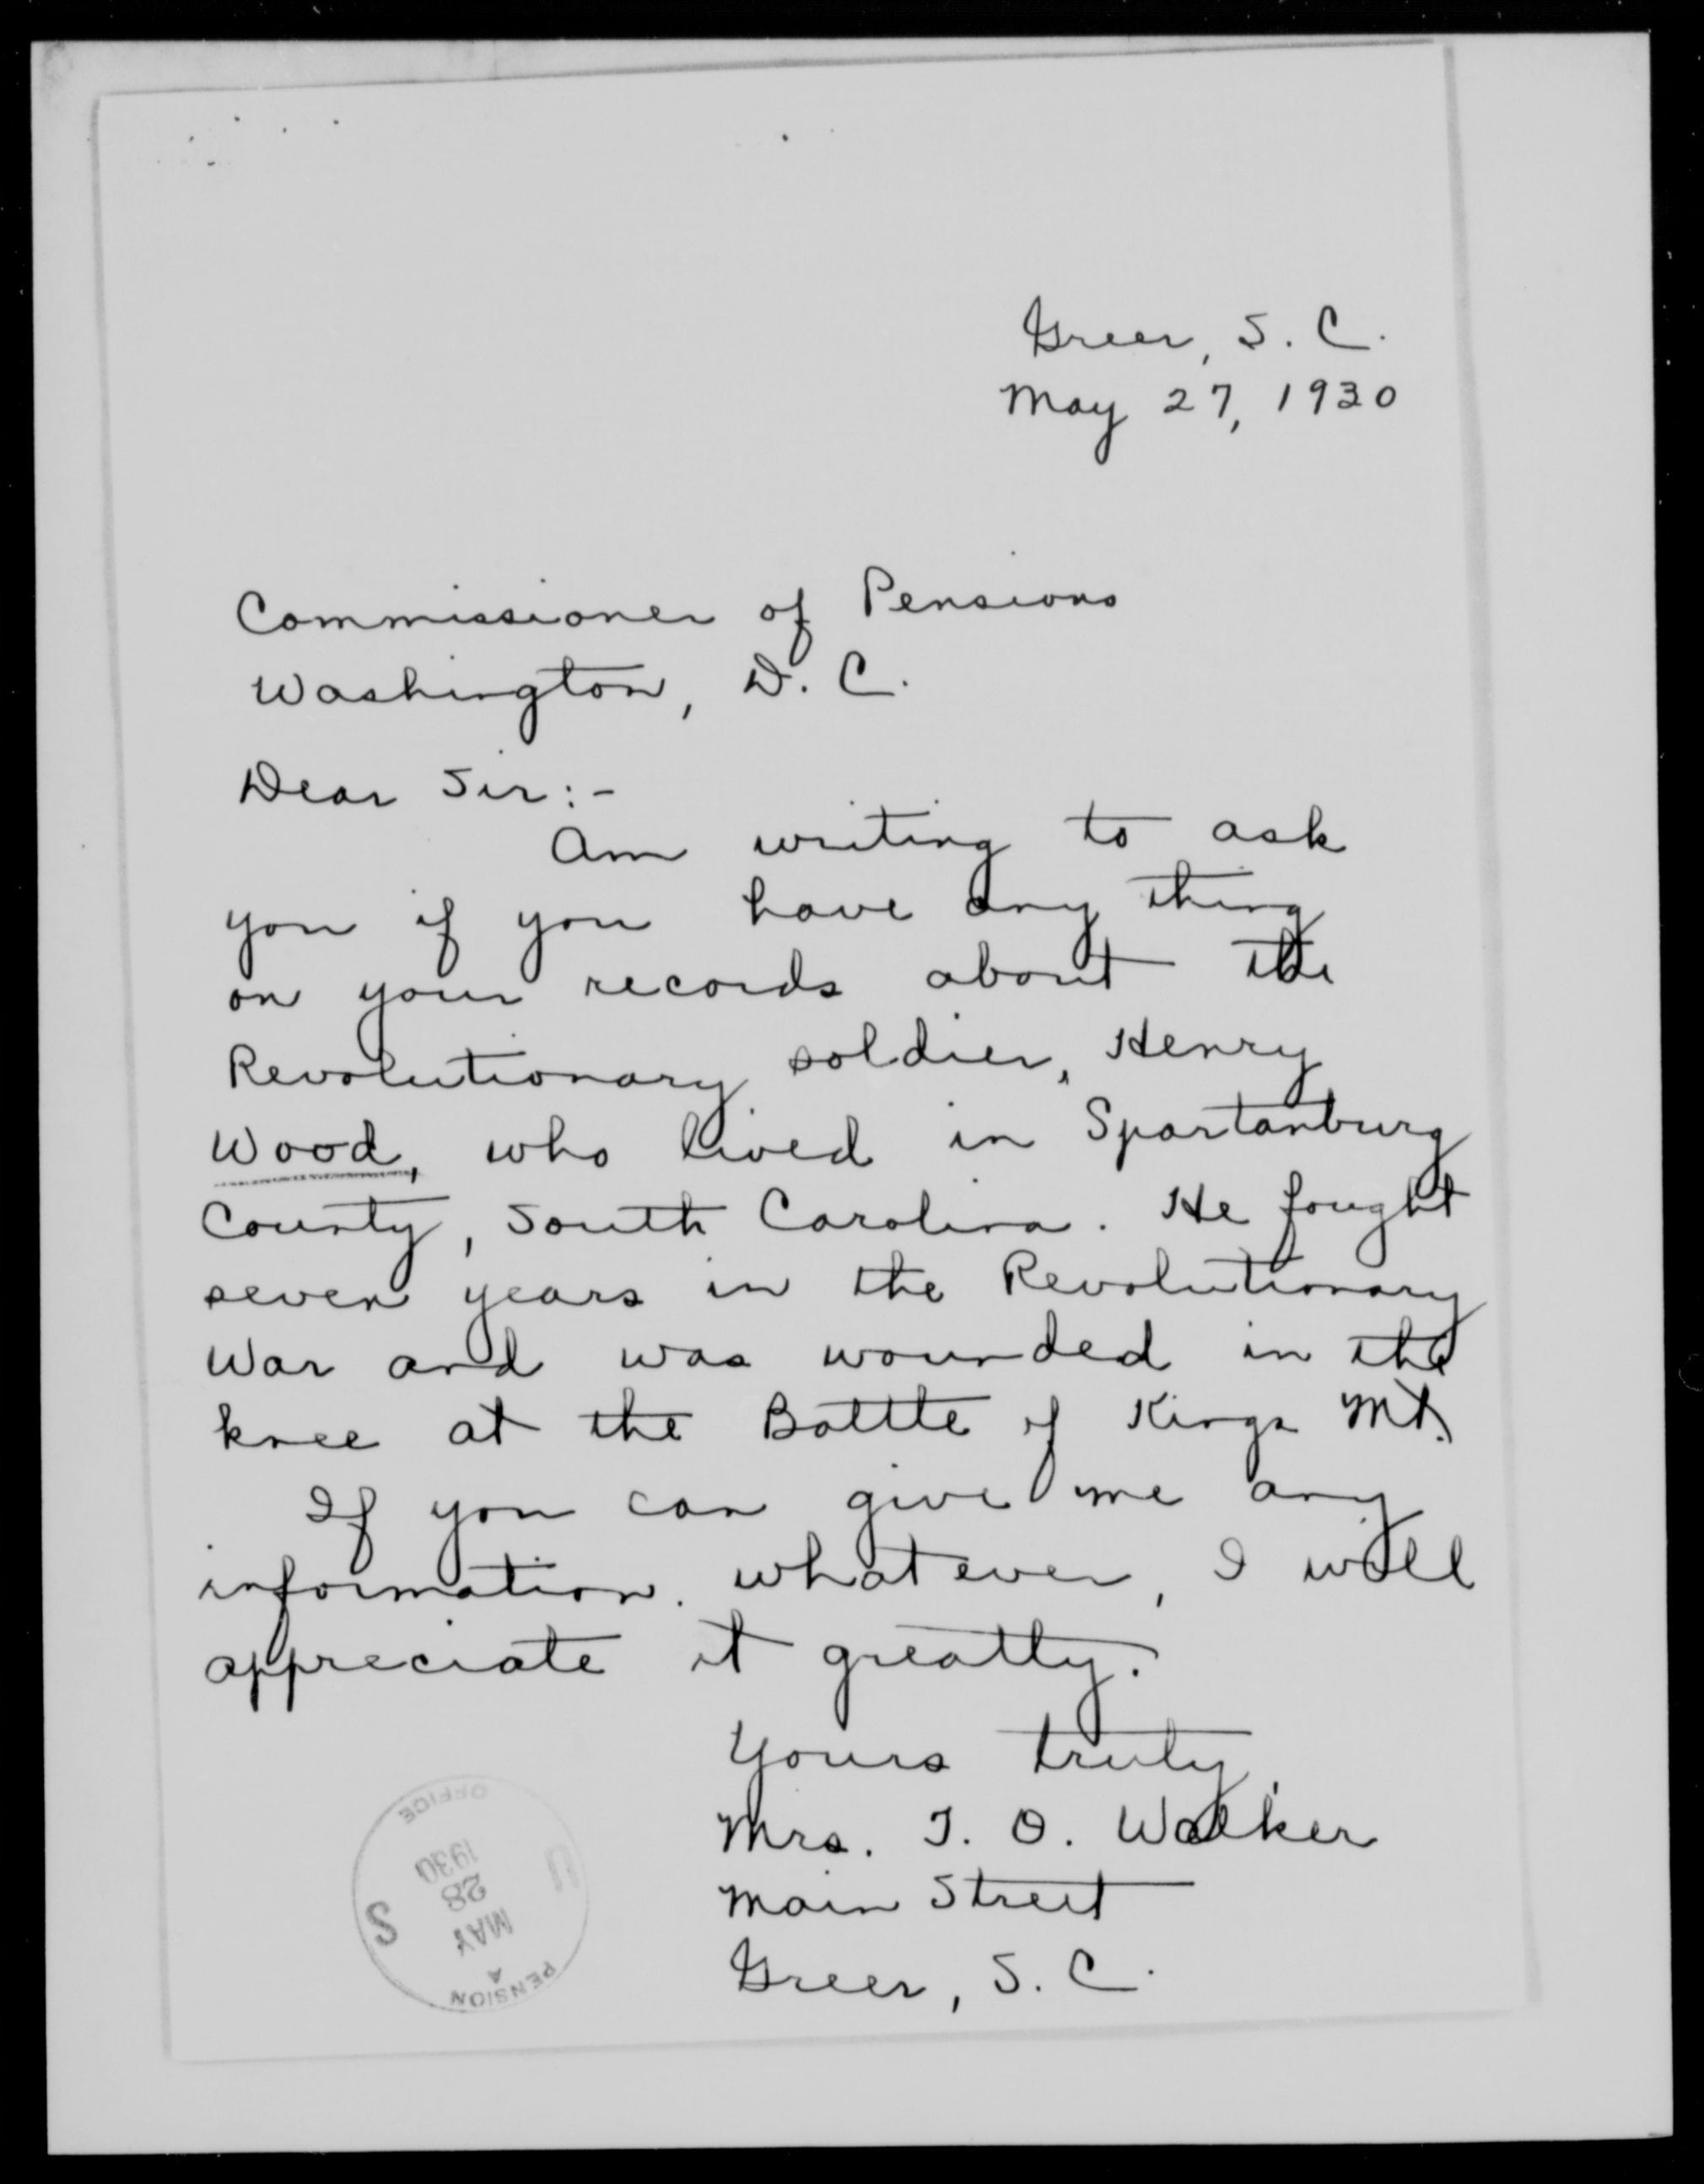Greer, S.C.  May 27, 1930  Commissioner of Pensions  Washington, D.C.  Dear sir:  Am writing to ask you if you ahve any records about the Revolutionary soldier, Henry Wood, who lived in Spartanburg County, South Carolina.  He fought seven years in the revolutionary War and he was wounded in the knee at the Battle of King's Mountain.  If you can give me any information whatever, I will appreciate it greatly.  Yours truly, Mrs T.O. Walker Main Street Greer, S. C.

(Stamped) US Pension Office May 28 1930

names: T O Walker, Henry Wood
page: 34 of 40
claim: rejected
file: R. 11785, Henry Wood, N. C.